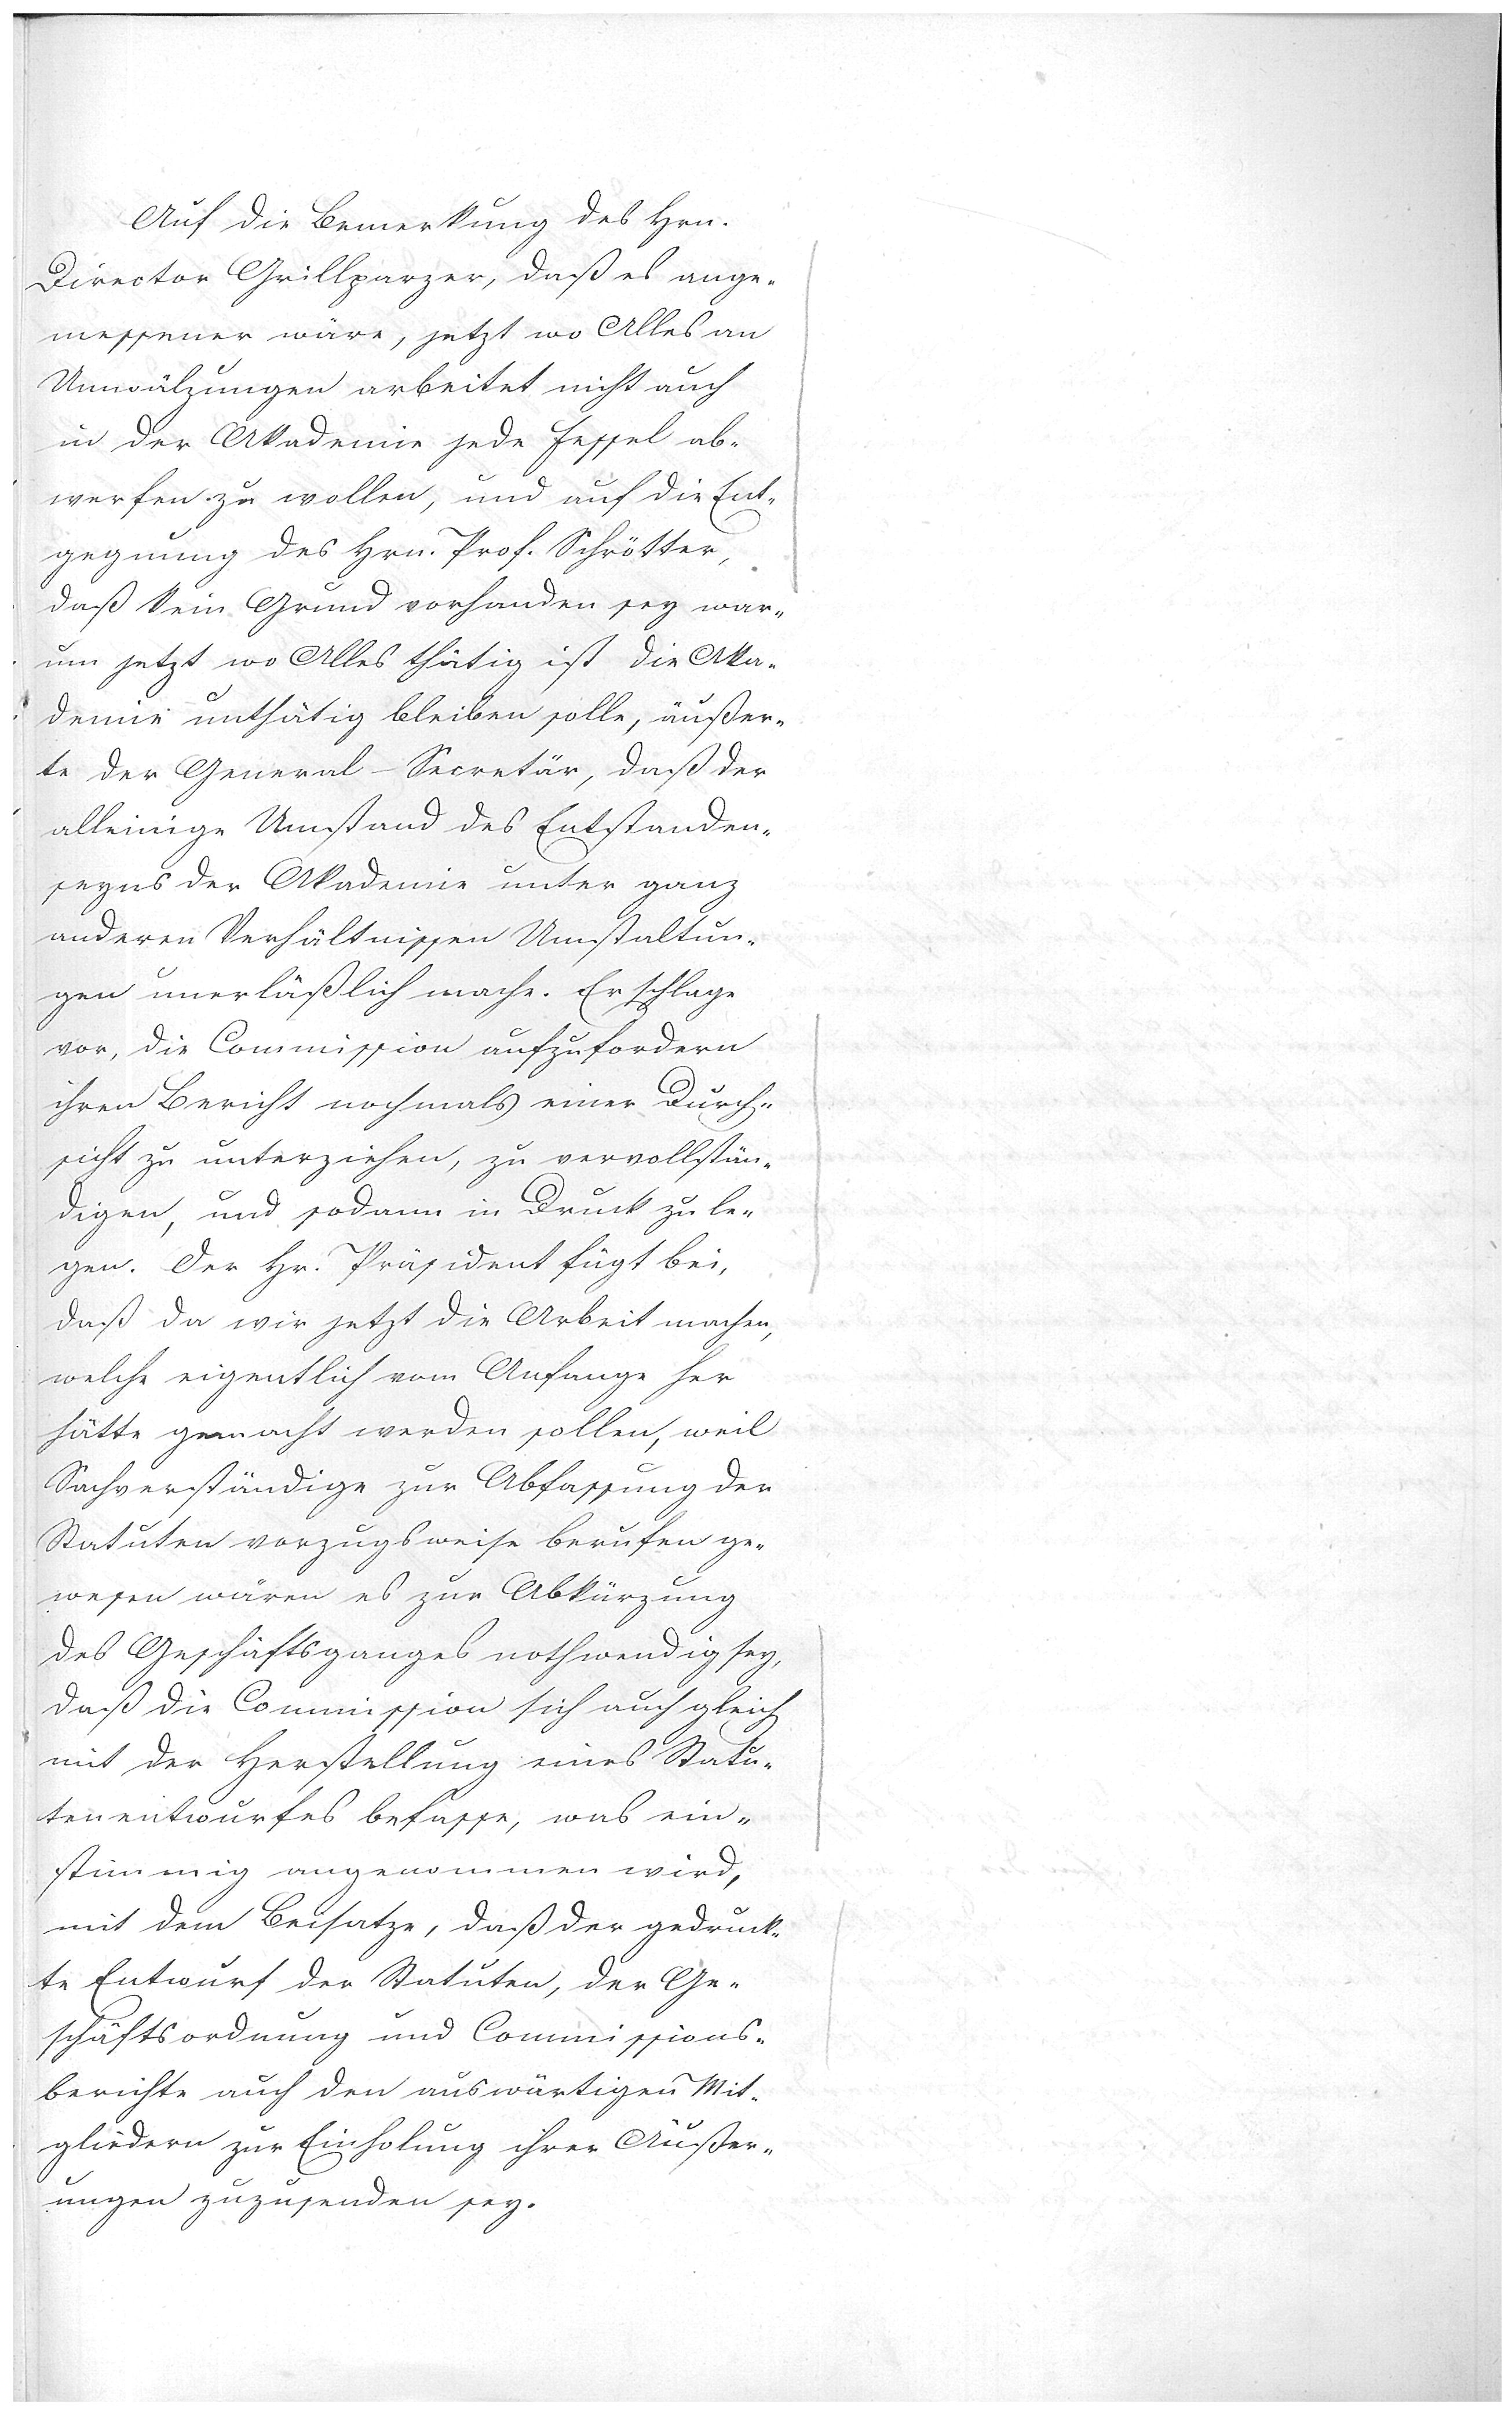Auf die Bemerkung des Hrn.
Director Grillparzer, daß es ange-
messener wäre, jetzt wo Alles an
Umwälzungen arbeitet nicht auch
in der Akademie jede Fessel ab-
werfen zu wollen, und auch die Ent-
gegnung des Hrn. Prof. Schrötter,
daß kein Grund vorhanden sey war-
um jetzt wo Alles thätig ist die Aka-
demie unthätig bleiben solle, äußer-
te der General-Secretär, daß der
alleinge Umstand des Entstanden-
seyns der Akademie unter ganz
anderen Verhältnissen Umstaltun-
gen unerläßlich mache. Er schlage
vor, die Commission aufzufordern
ihren Bericht nochmals einer Durch-
sicht zu unterziehen, zu vervollstän-
digen und sodann in Druck zu le-
gen. Der Hr. Präsident führt bei,
daß da wir jetzt die Arbeit machen,
welche eigentlich vom Anfange her
hätte gemacht werden sollen, weil
Sachverständige zur Abfassung der
Statuten vorzugsweise berufen ge-
wesen wären es zur Abkürzung
des Geschäftsganges nothwendig sey,
daß die Commission sich auch gleich
mit der Herstellung eines Statu-
tenentwurfes befasse, was ein-
stimmig angenommen wird,
mit die Beisatze, daß der gedruck-
te Entwurf der Statuten, der Ge-
schäftsordnung und Commissions-
berichte auch den auswärtigen Mit-
gliedern zur Einholung ihrer Äußer-
ungen zuzusenden sey.